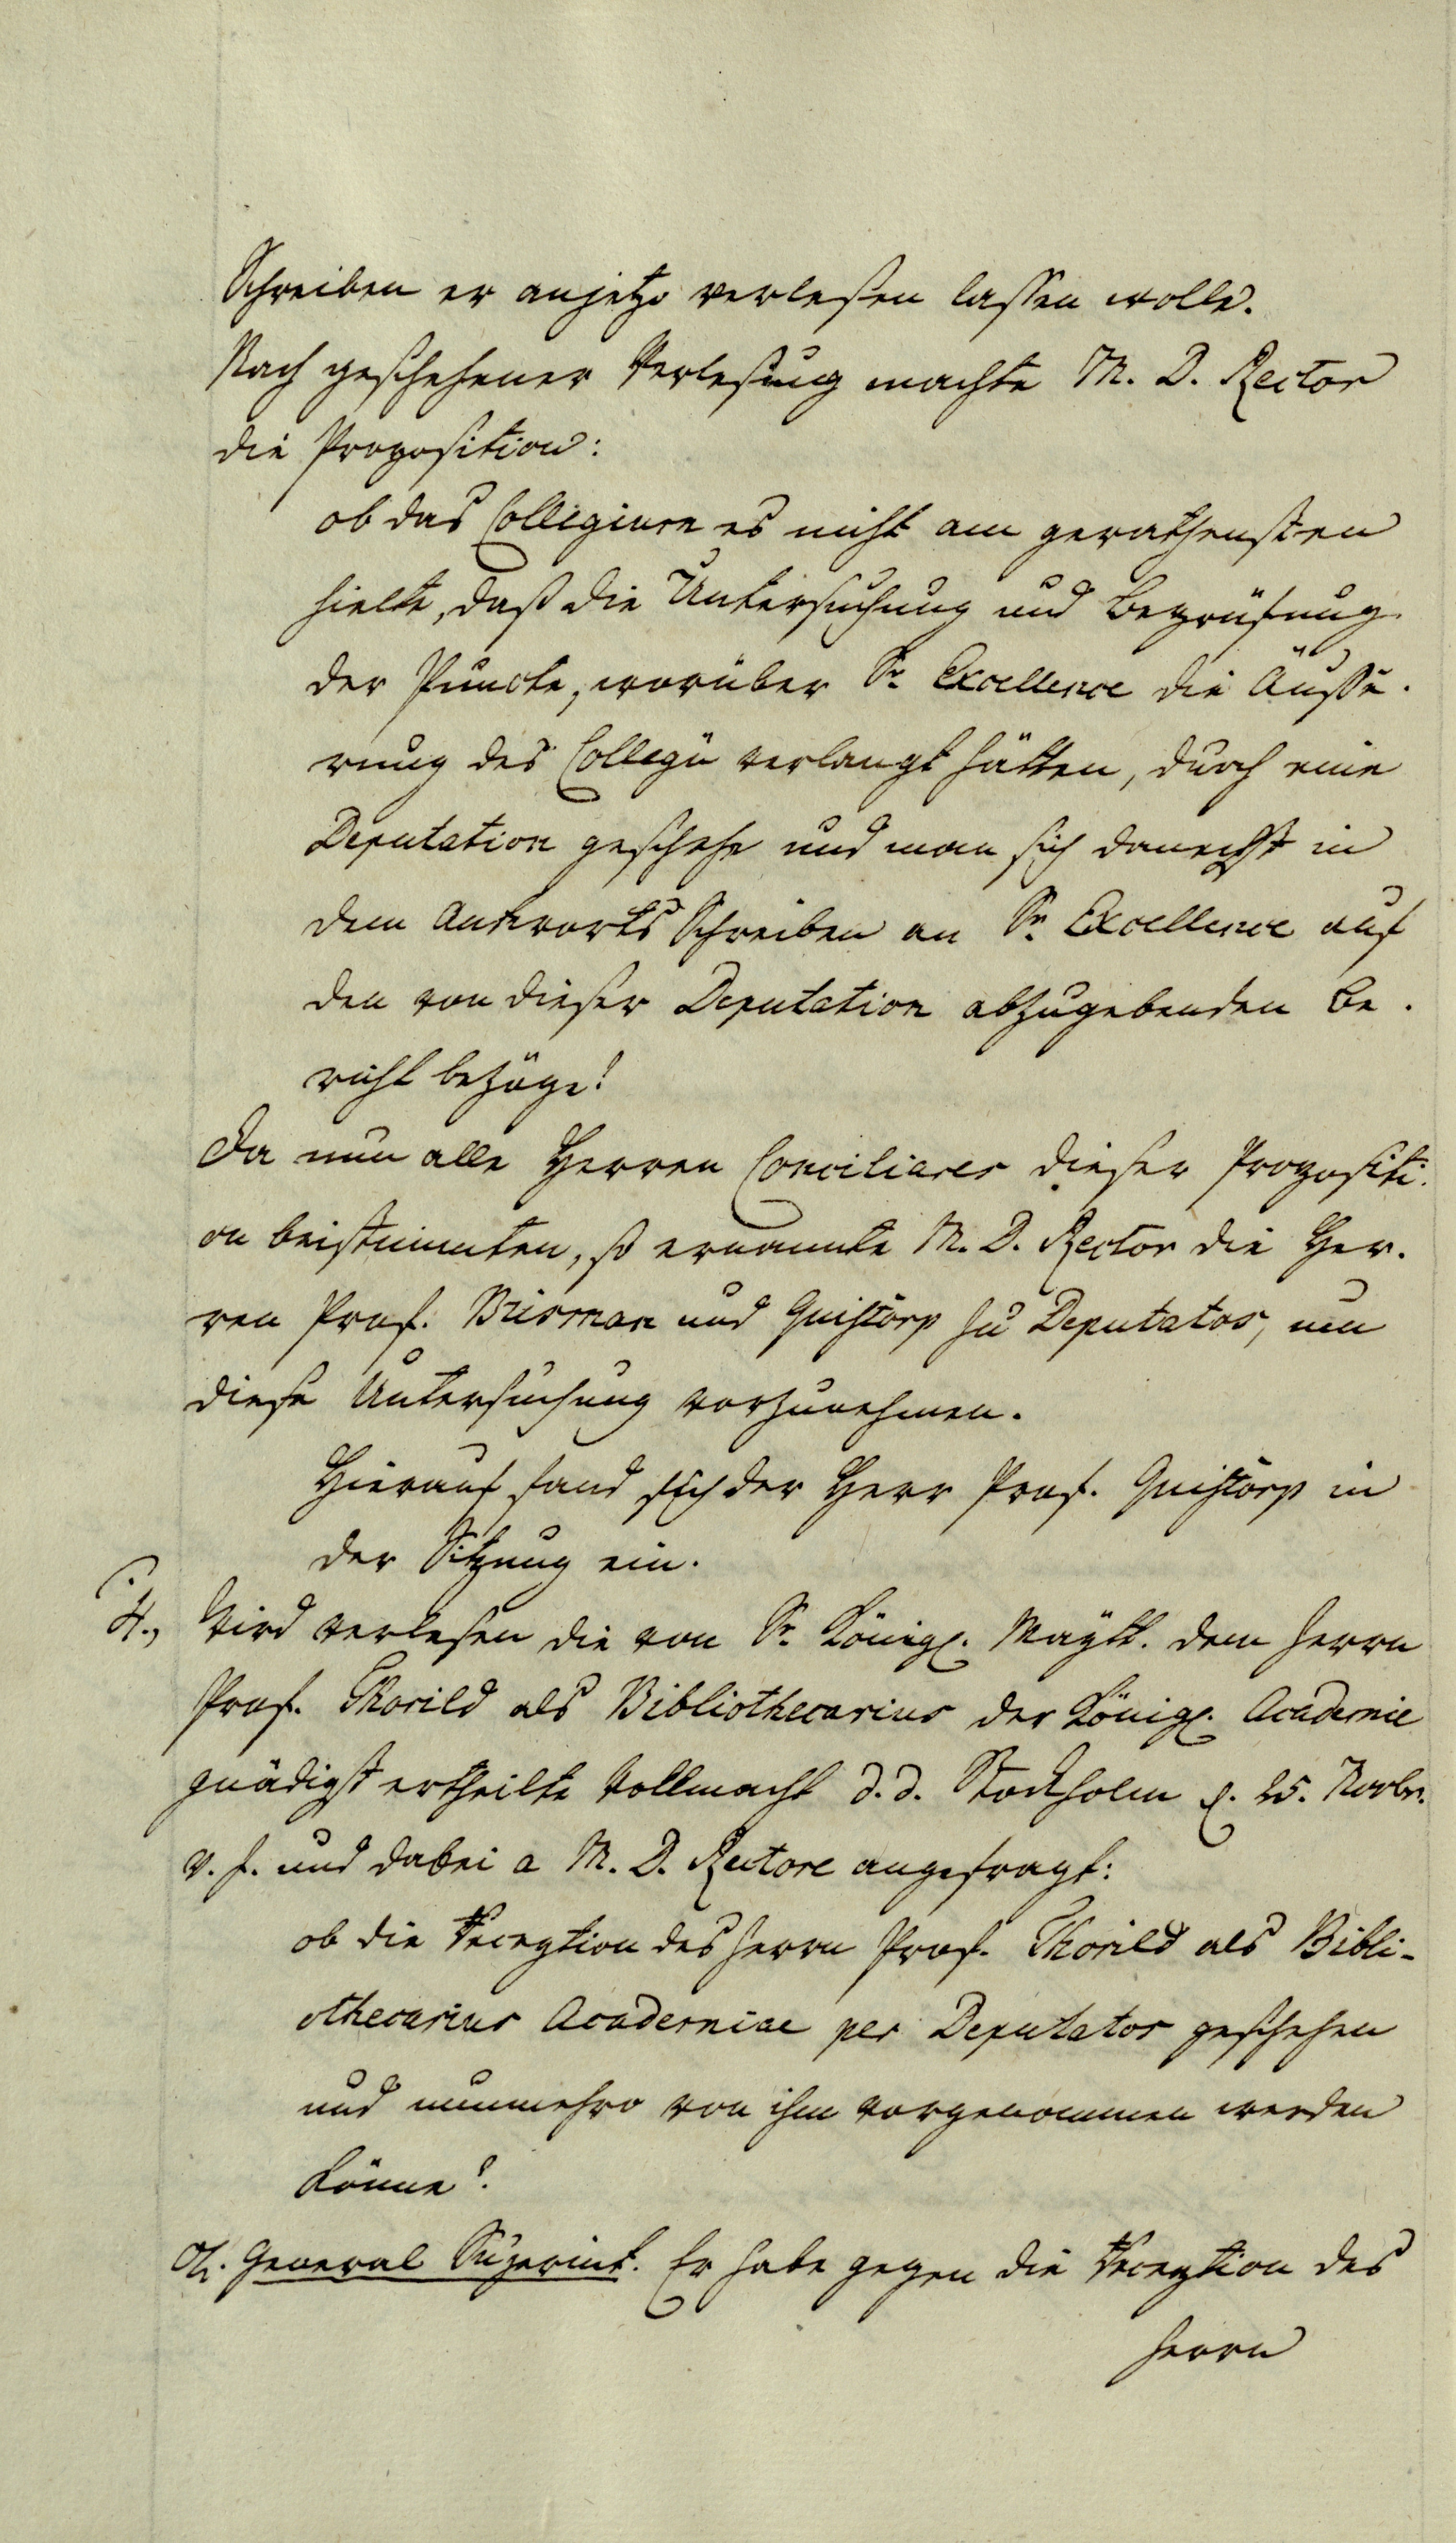Schreiben er anjetzo verlesen lassen wolle.
Nach geschehener Verlesung machte M. D. Rector
die Proposition:
ob das Collegium es nicht am gerathensten
hielte, daß die Untersuchung und Beprüfung
der Puncte, worüber Sr Excellence die Äusse¬
rung des Collegii verlangt hätten, durch eine
Deputation geschehe und man sich danechst in
dem Antworts Schreiben an Sr. Excellence auf
den von dieser Deputation abzugebenden Be¬
richt bezöge.
Da nun alle Herren Conciliares dieser Propositi¬
on beistimmten, so ernannte M. D. Rector die Her¬
ren Prof. Brisman und Quistorp zu Deputatos, um
diese Untersuchung vorzunehmen.
Hierauf fand sich der Herr Prof. Quistorp in
der Sitzung ein.
4. Wird verlesen die von Sr. Königl. Maÿtt. dem Herrn
Prof. Thorild als Bibliothecarius der Königl. Academie
gnädigst ertheilte Vollmacht d. d. Stockholm d. 25. Novbr.
v. J. und dabei a M. D. Rectore angefragt:
ob die Reception des Herrn Prof. Thorild als Bibli¬
othecarius Academiae per Deputatos geschehen
und nunmehro von ihm vorgenommen werden
könne?
dh. General Superint. Er habe gegen die Reception des
Herrn